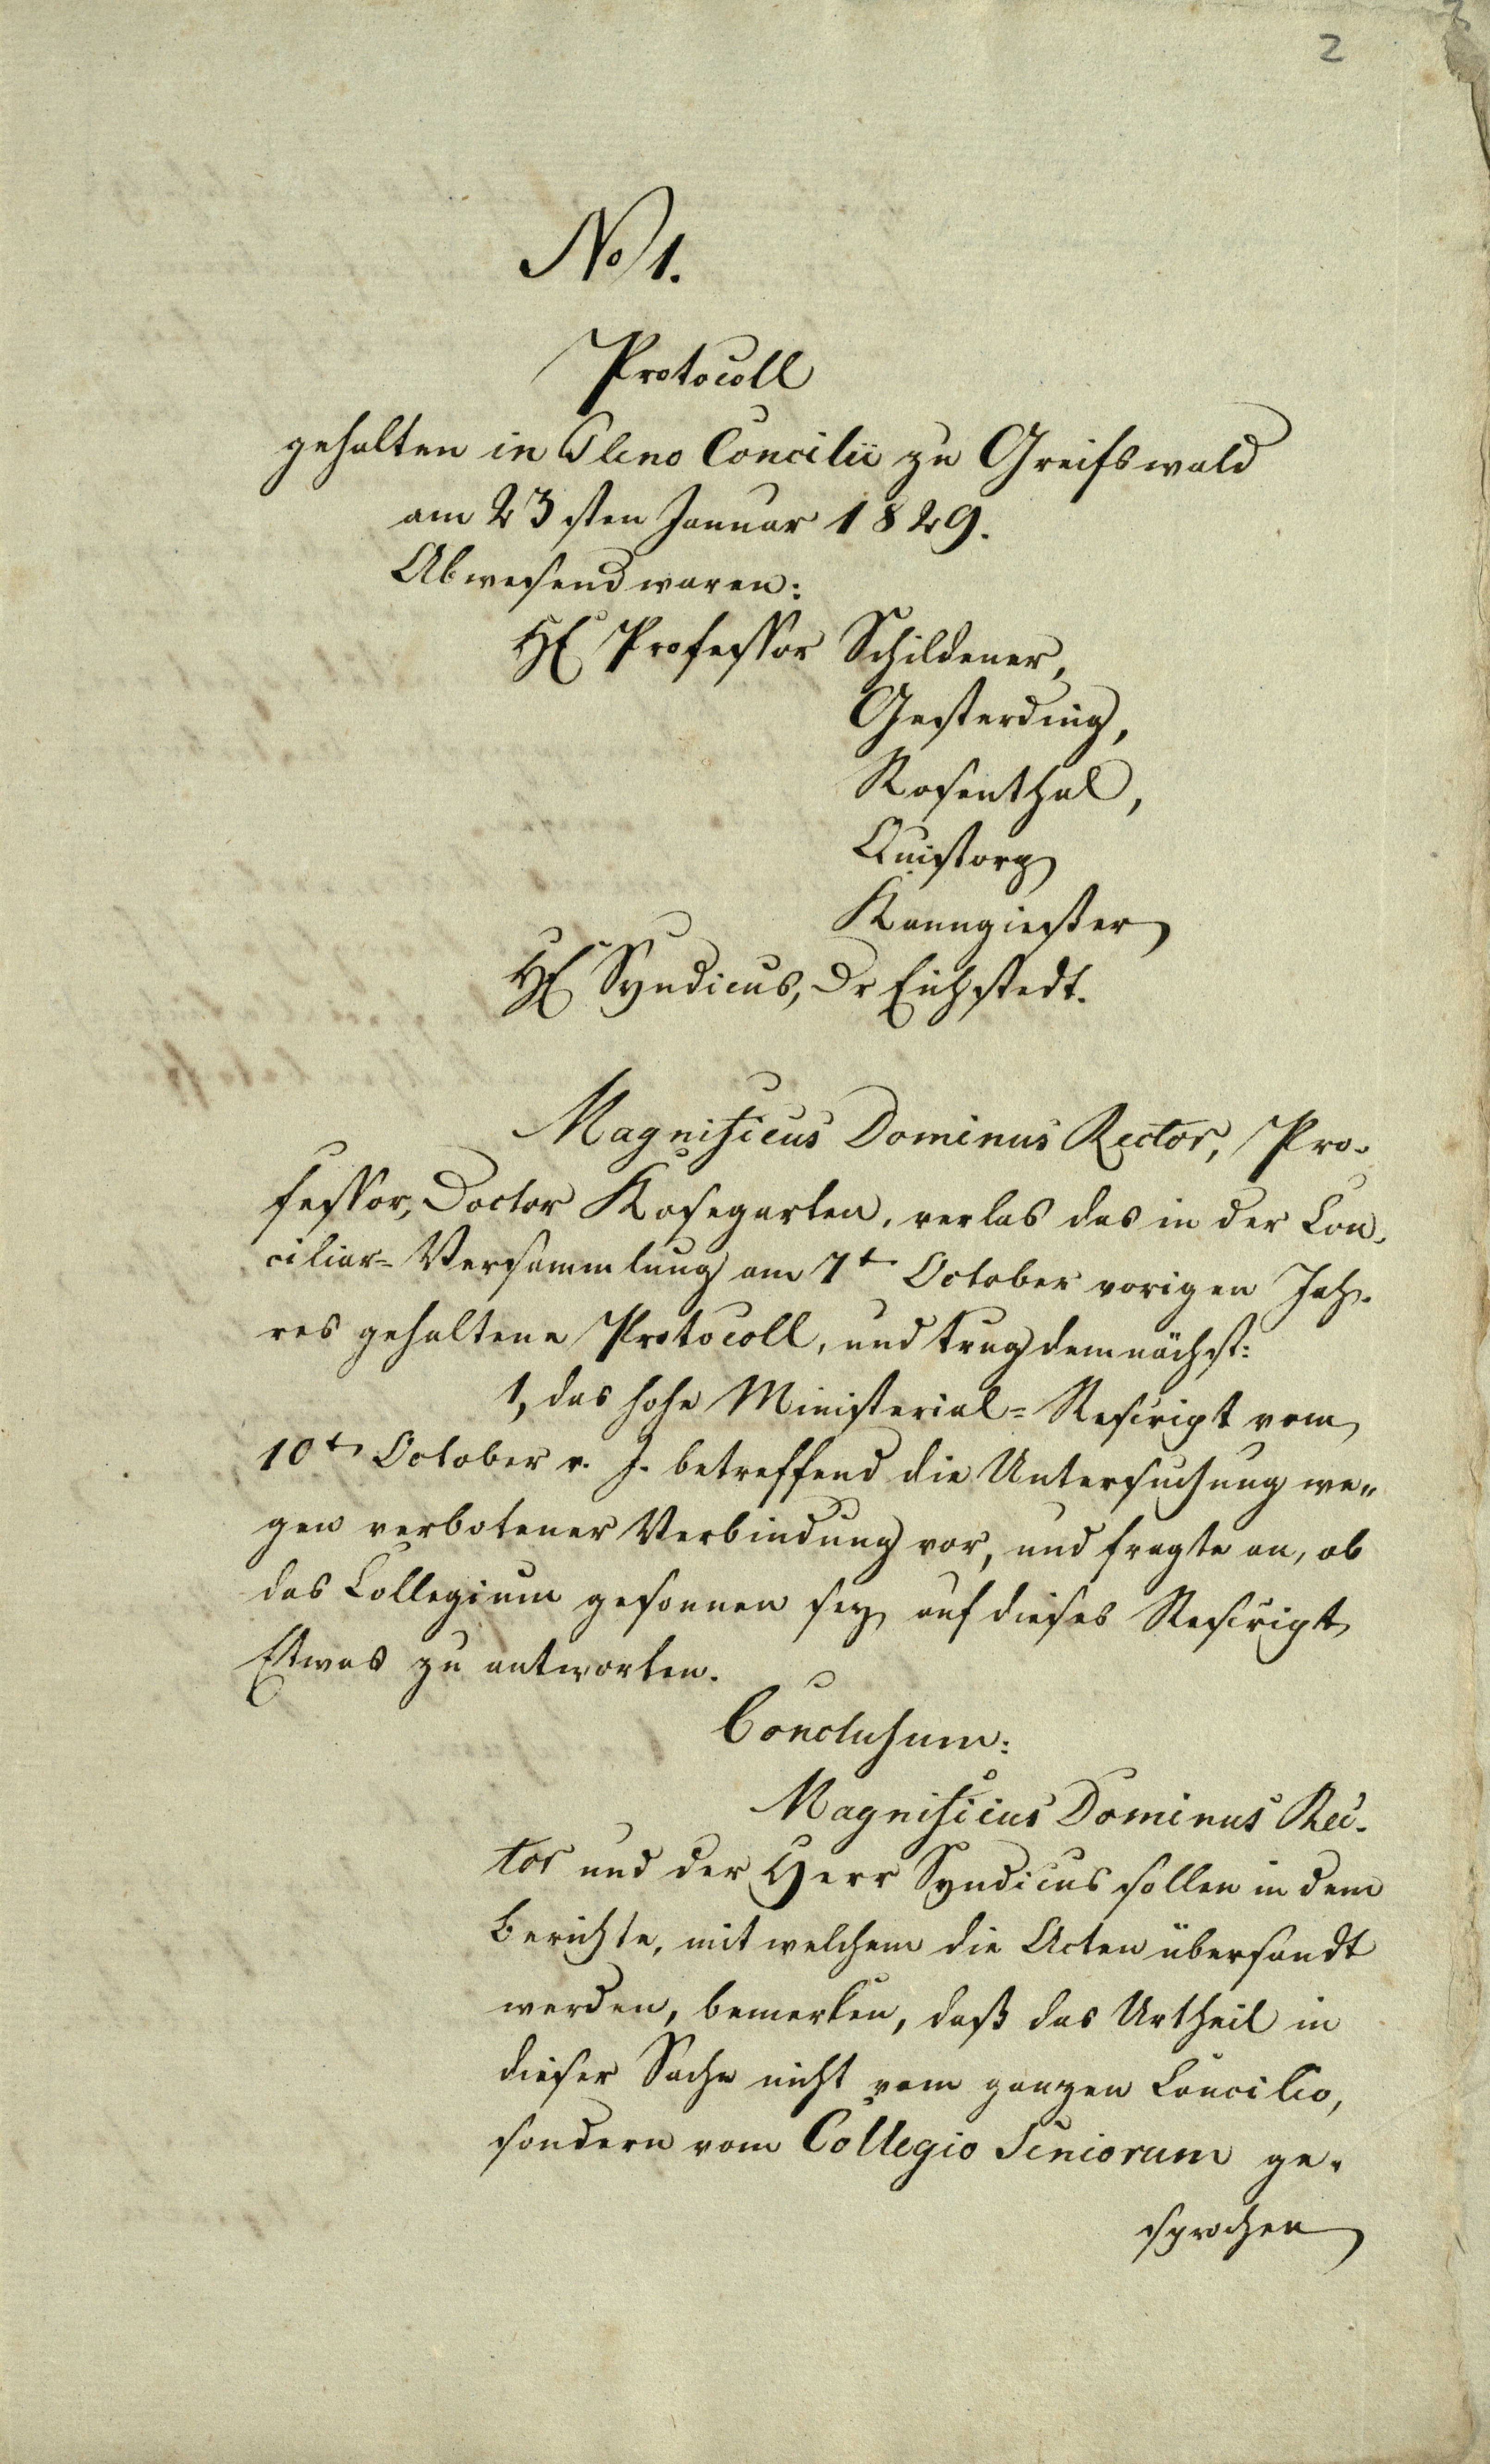Nº 1.
Protocoll
gehalten in Pleno Concilii zu Greifswald
am 23ten Januar 1829
Abwesend waren:
HE Professor Schildener,
Gesterding,
Rosenthal,
Quistorp,
Kanngießer,
HE Syndicus, Dr Eichstedt.
Magnificus Dominus Rector, Pro¬
fessor, Doctor Kosegarten, verlas das in der Con¬
ciliar-Versammlung am 7ten October vorigen Jah¬
res gehaltene Protocoll, und trug demnächst:
1, das hohe Ministerial-Rescript vom
10ten October v. J. betreffend die Untersuchung we¬
gen verbotener Verbindung vor, und fragte an, ob
das Collgium gesonnen sey, auf dieses Rescript,
Etwas zu antworten.
Conclusum:
Magnificus Dominus Rec¬
tor und der Herr Syndicus sollen in dem
Berichte, mit welchem die Acten übersandt
werden, bemerken, daß das Urtheil in
dieser Sache nicht vom ganzen Concilio,
sondern vom Collegio Seniorum ge¬
sprochen